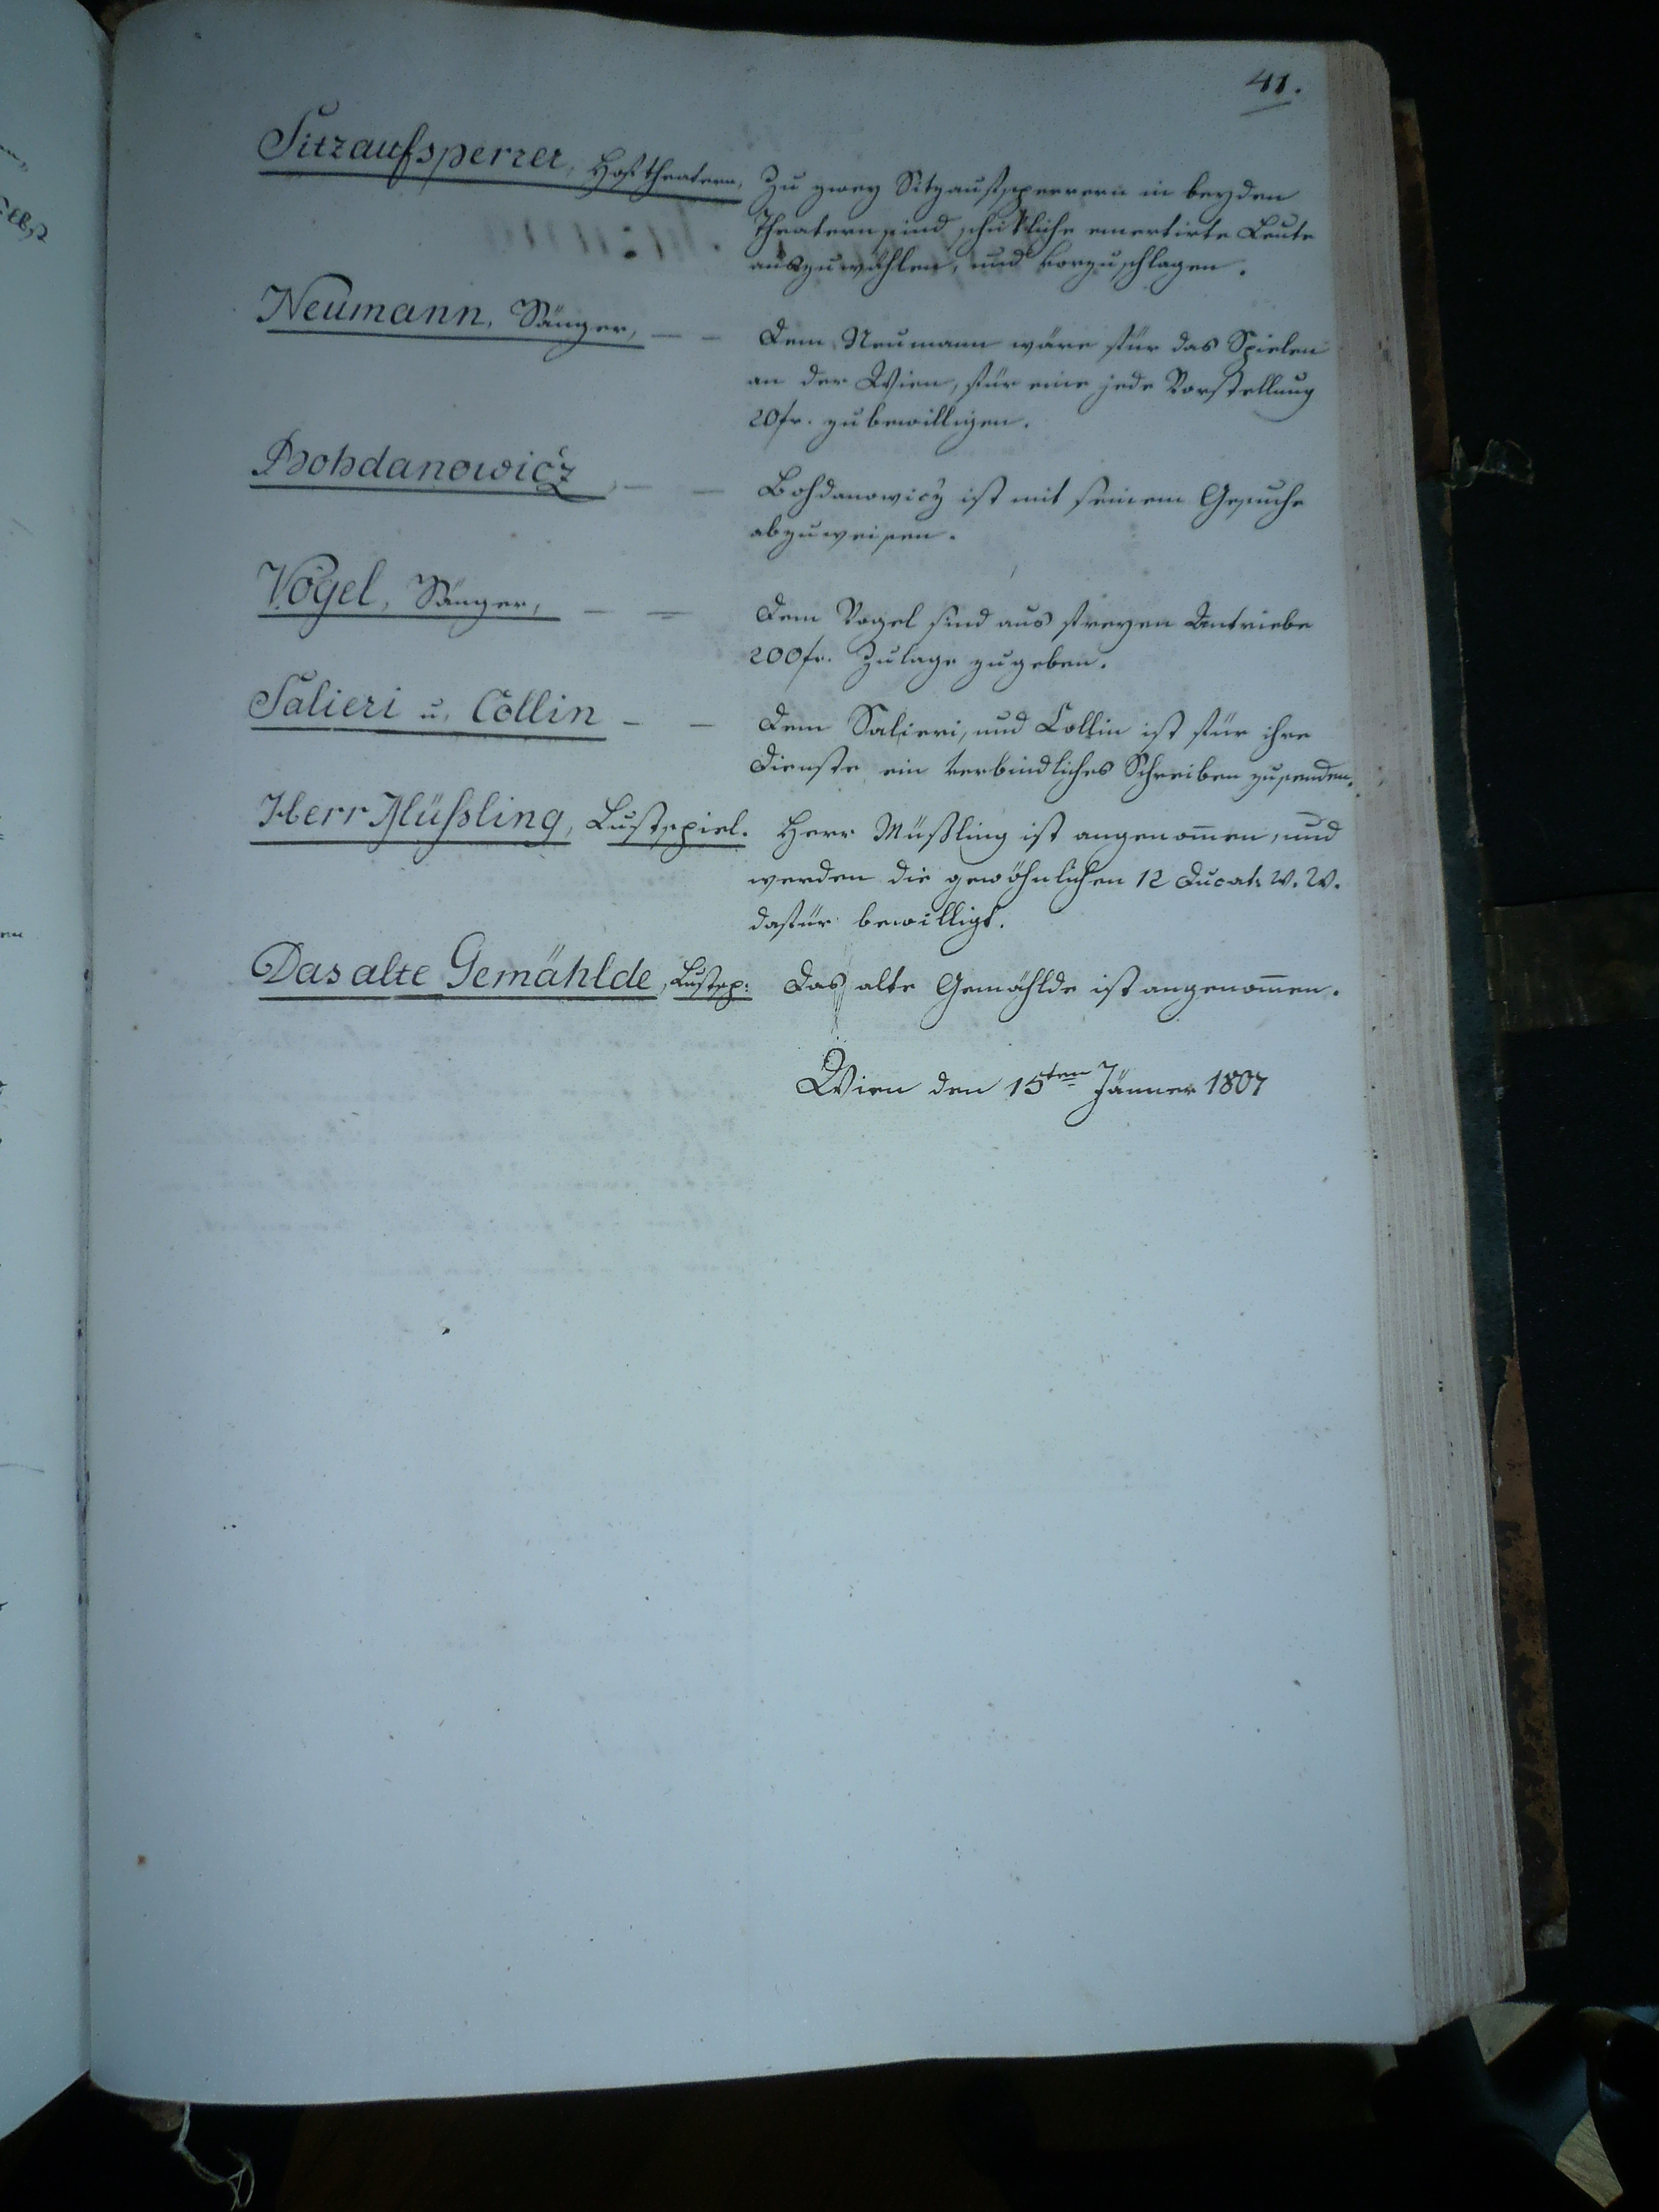41.
Sitzaufsperrer, Hoftheatern, Zu zwey Sitzaufsperrern in beyden
Theatern sind schickliche emertirte Leute
auszuwählen, und vorzuschlagen.
Neumann, Sänger, _ _ Dem Neumann wäre für das Spielen
an der Wien, für eine jede Vorstellung
20fr. zubewilligen.
Bohdanowićz _ _ Bohdanowićz ist mit seinem Gesuche
abzuweisen.
Vogel, Sänger, _ _ Dem Vogel sind aus freyen Antriebe
200fr. Zulage zugeben.
Salieri u, Collin _ _ Dem Salieri, und Collin ist für ihre
Dienste ein verbindliches Schreiben zusenden.
Herr Müssling, Lustspiel. Herr Müßling ist angenomen, und
werden die gewöhnlichen 12 Ducat: W.W.
dafür bewilligt.
Das alte Gemählde, Lustsp: Das alte Gemählde ist angenom̅en.
Wien den 15te͇n Jänner 1807